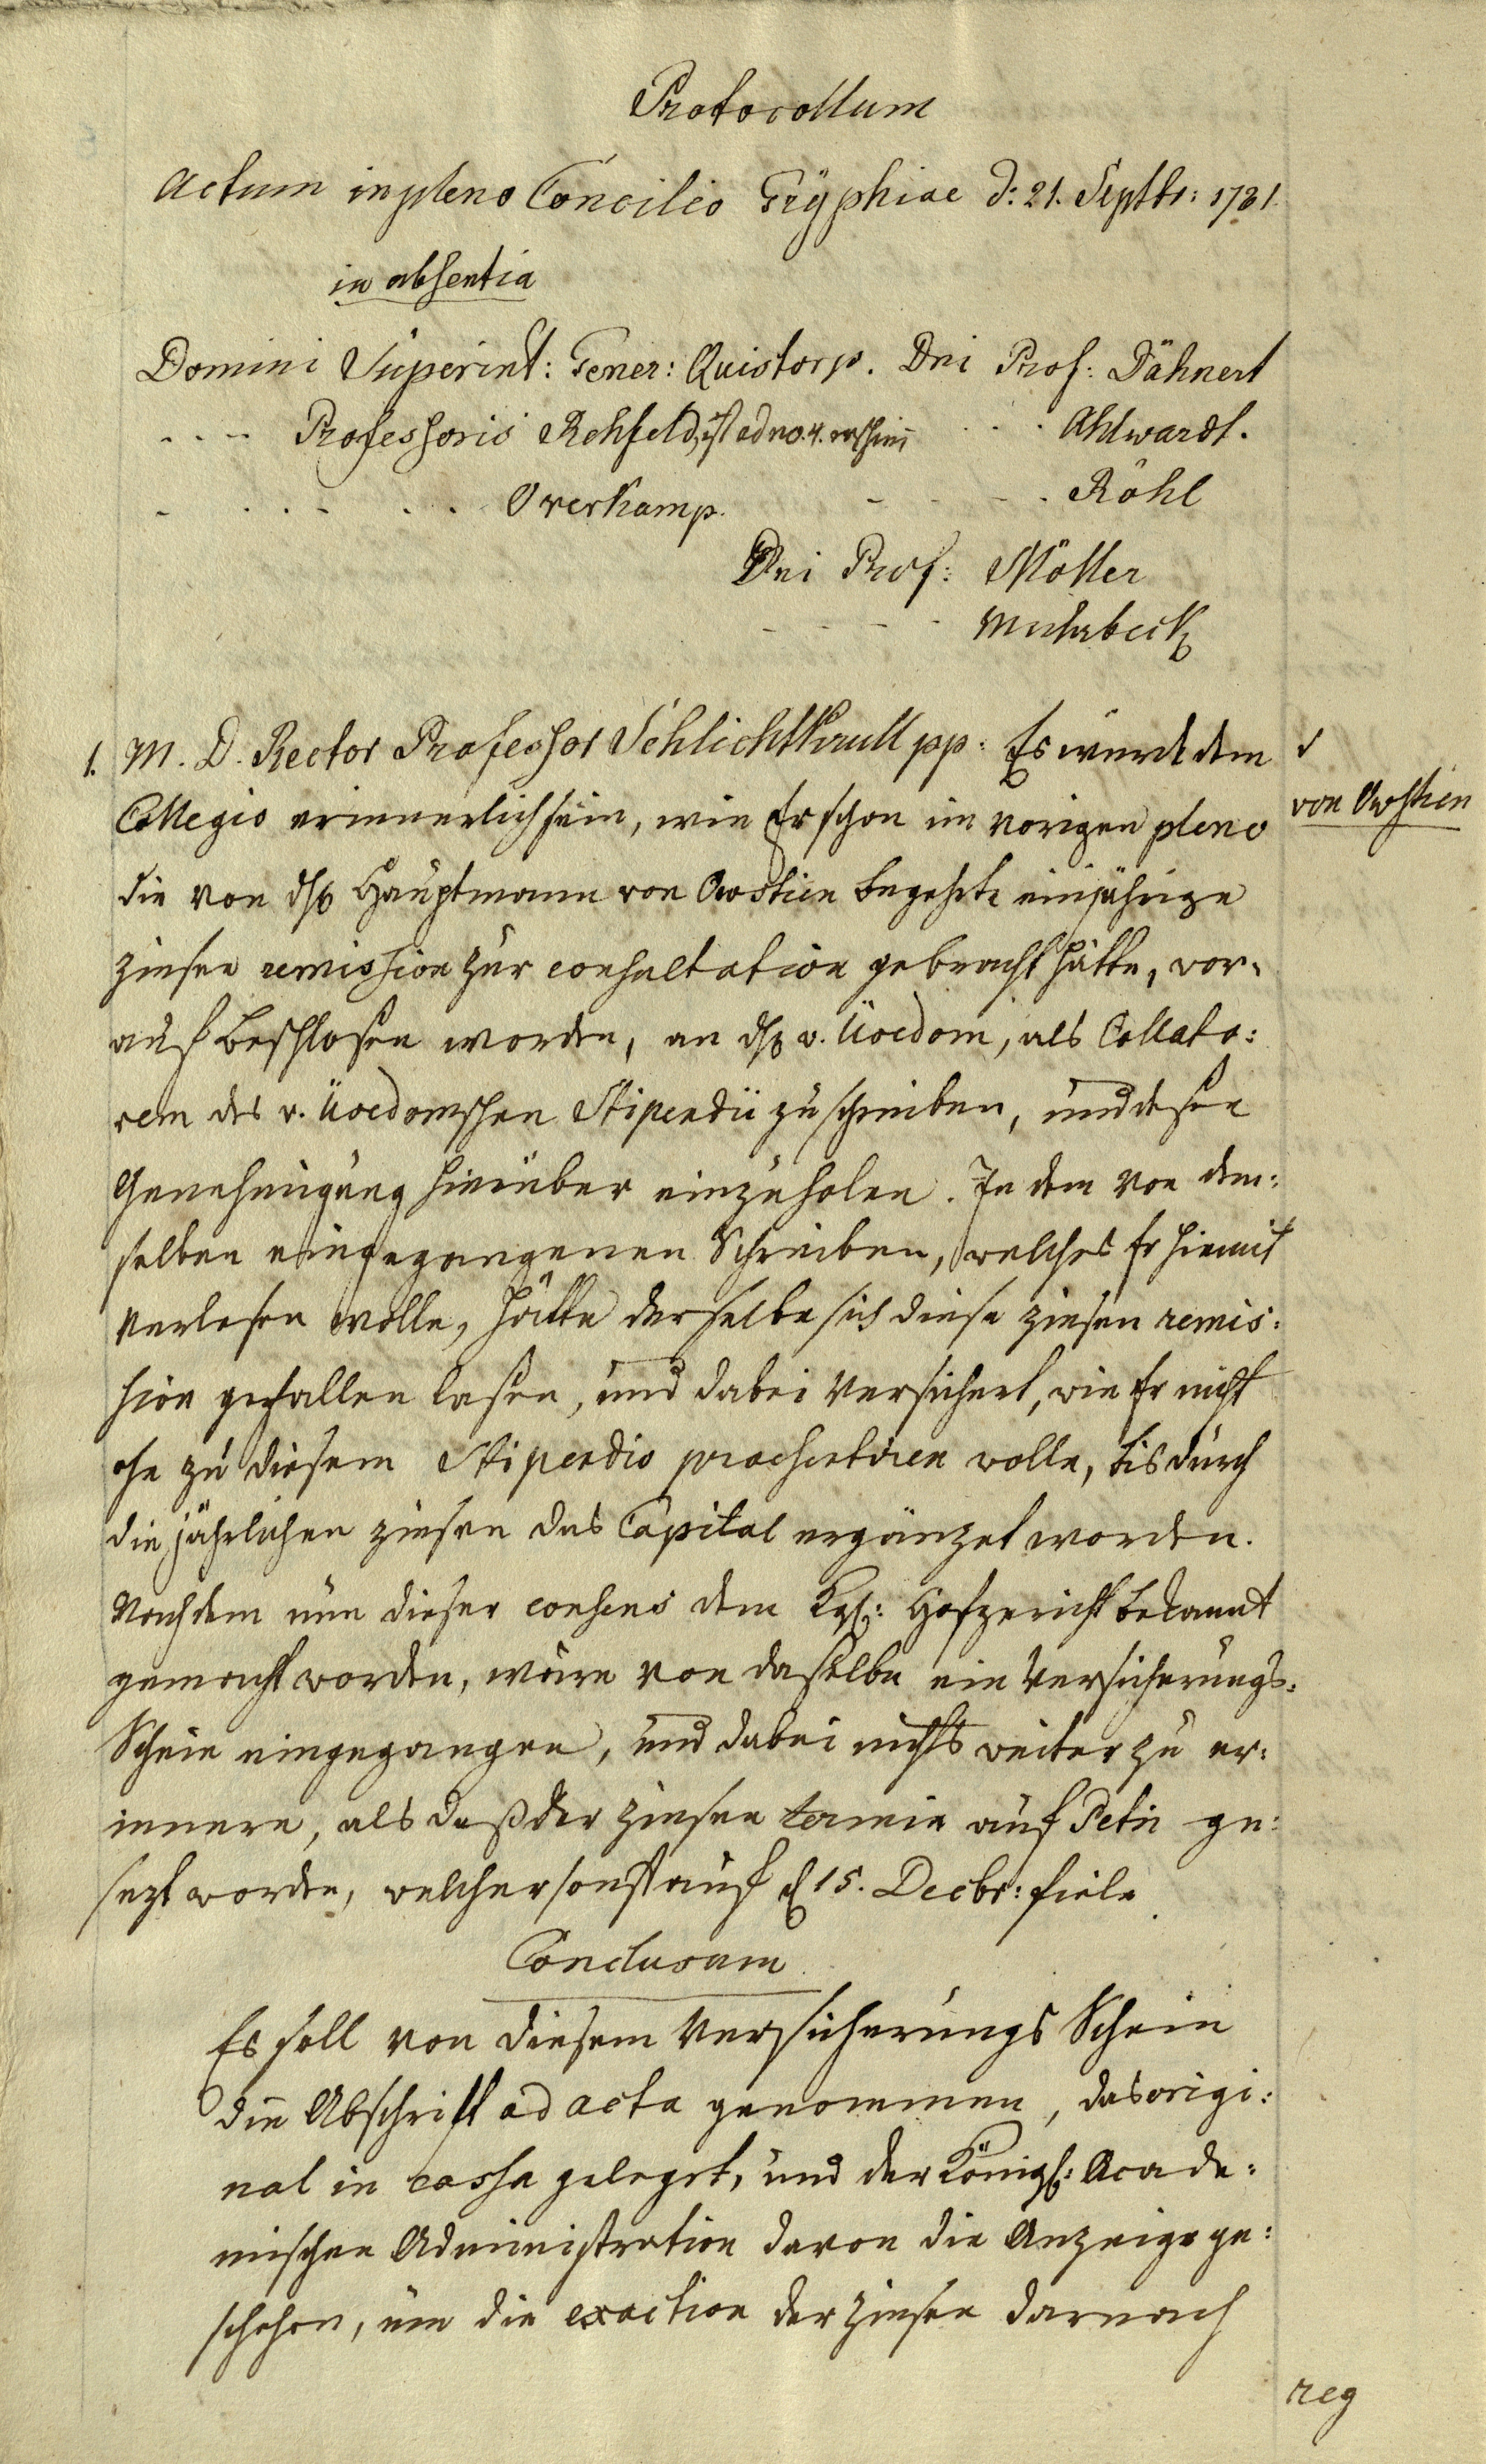Protocollum
Actum in pleno Concilio Grÿphiae d: 21. Septbr: 1781
in absentia
Domini Superint: Gener: Quistorp. Dei Prof: Dähnert
Professoris Rehfeld, ist ad no. 4 erschie Ahlwardt
Overkamp Röhl
Dei Prof: Möller
Muhrbeck
M. D. Rector Professor Schlichtkrull pp: Es würde dem
Collegio erinnerlich sein, wie Er schon im vorigen pleno
die von dh Hauptmann von Owstien begehrte einjährige
Zinsen remission zur consultation gebracht hätte, vor¬
auf beschlossen worden, an dh v. Usedom, als Collato¬
rem der v. Usedomschen Stipendii zu schreiben, und deßen
Genehmigung hierüber einzuholen. In dem von dem¬
selben eingegangenen Schreiben, welches Er hiemit
verlesen wolle, hätte derselbe sich diese Zinsen remis¬
sion gefallen laßen, und dabei versichert, wie Er nicht
ehe zu diesem Stipendio praesentiren wolle, bis durch
die jährlichen zinsen das Capital ergänzet worden.
Nach dem nun dieser consens dem Kgl: Hofgericht bekannt
gemacht worden, wäre von daßelbe ein Versicherungs¬
Schein eingegangen, und dabei nichts weiter zu er¬
innern, als daß der Zinsen termin auf Petri ge¬
sezt worden, welcher sonst auf d 15. Decbr: fiele
Conclusum
Es soll von diesem Versicherungs Schein
die Abschrift ad acta genommen, das origi¬
nal in cassa geleget, und der Königl: Acade¬
mischen Administration davon die Anzeige ge¬
schehen, um die exaction der Zinsen darnach